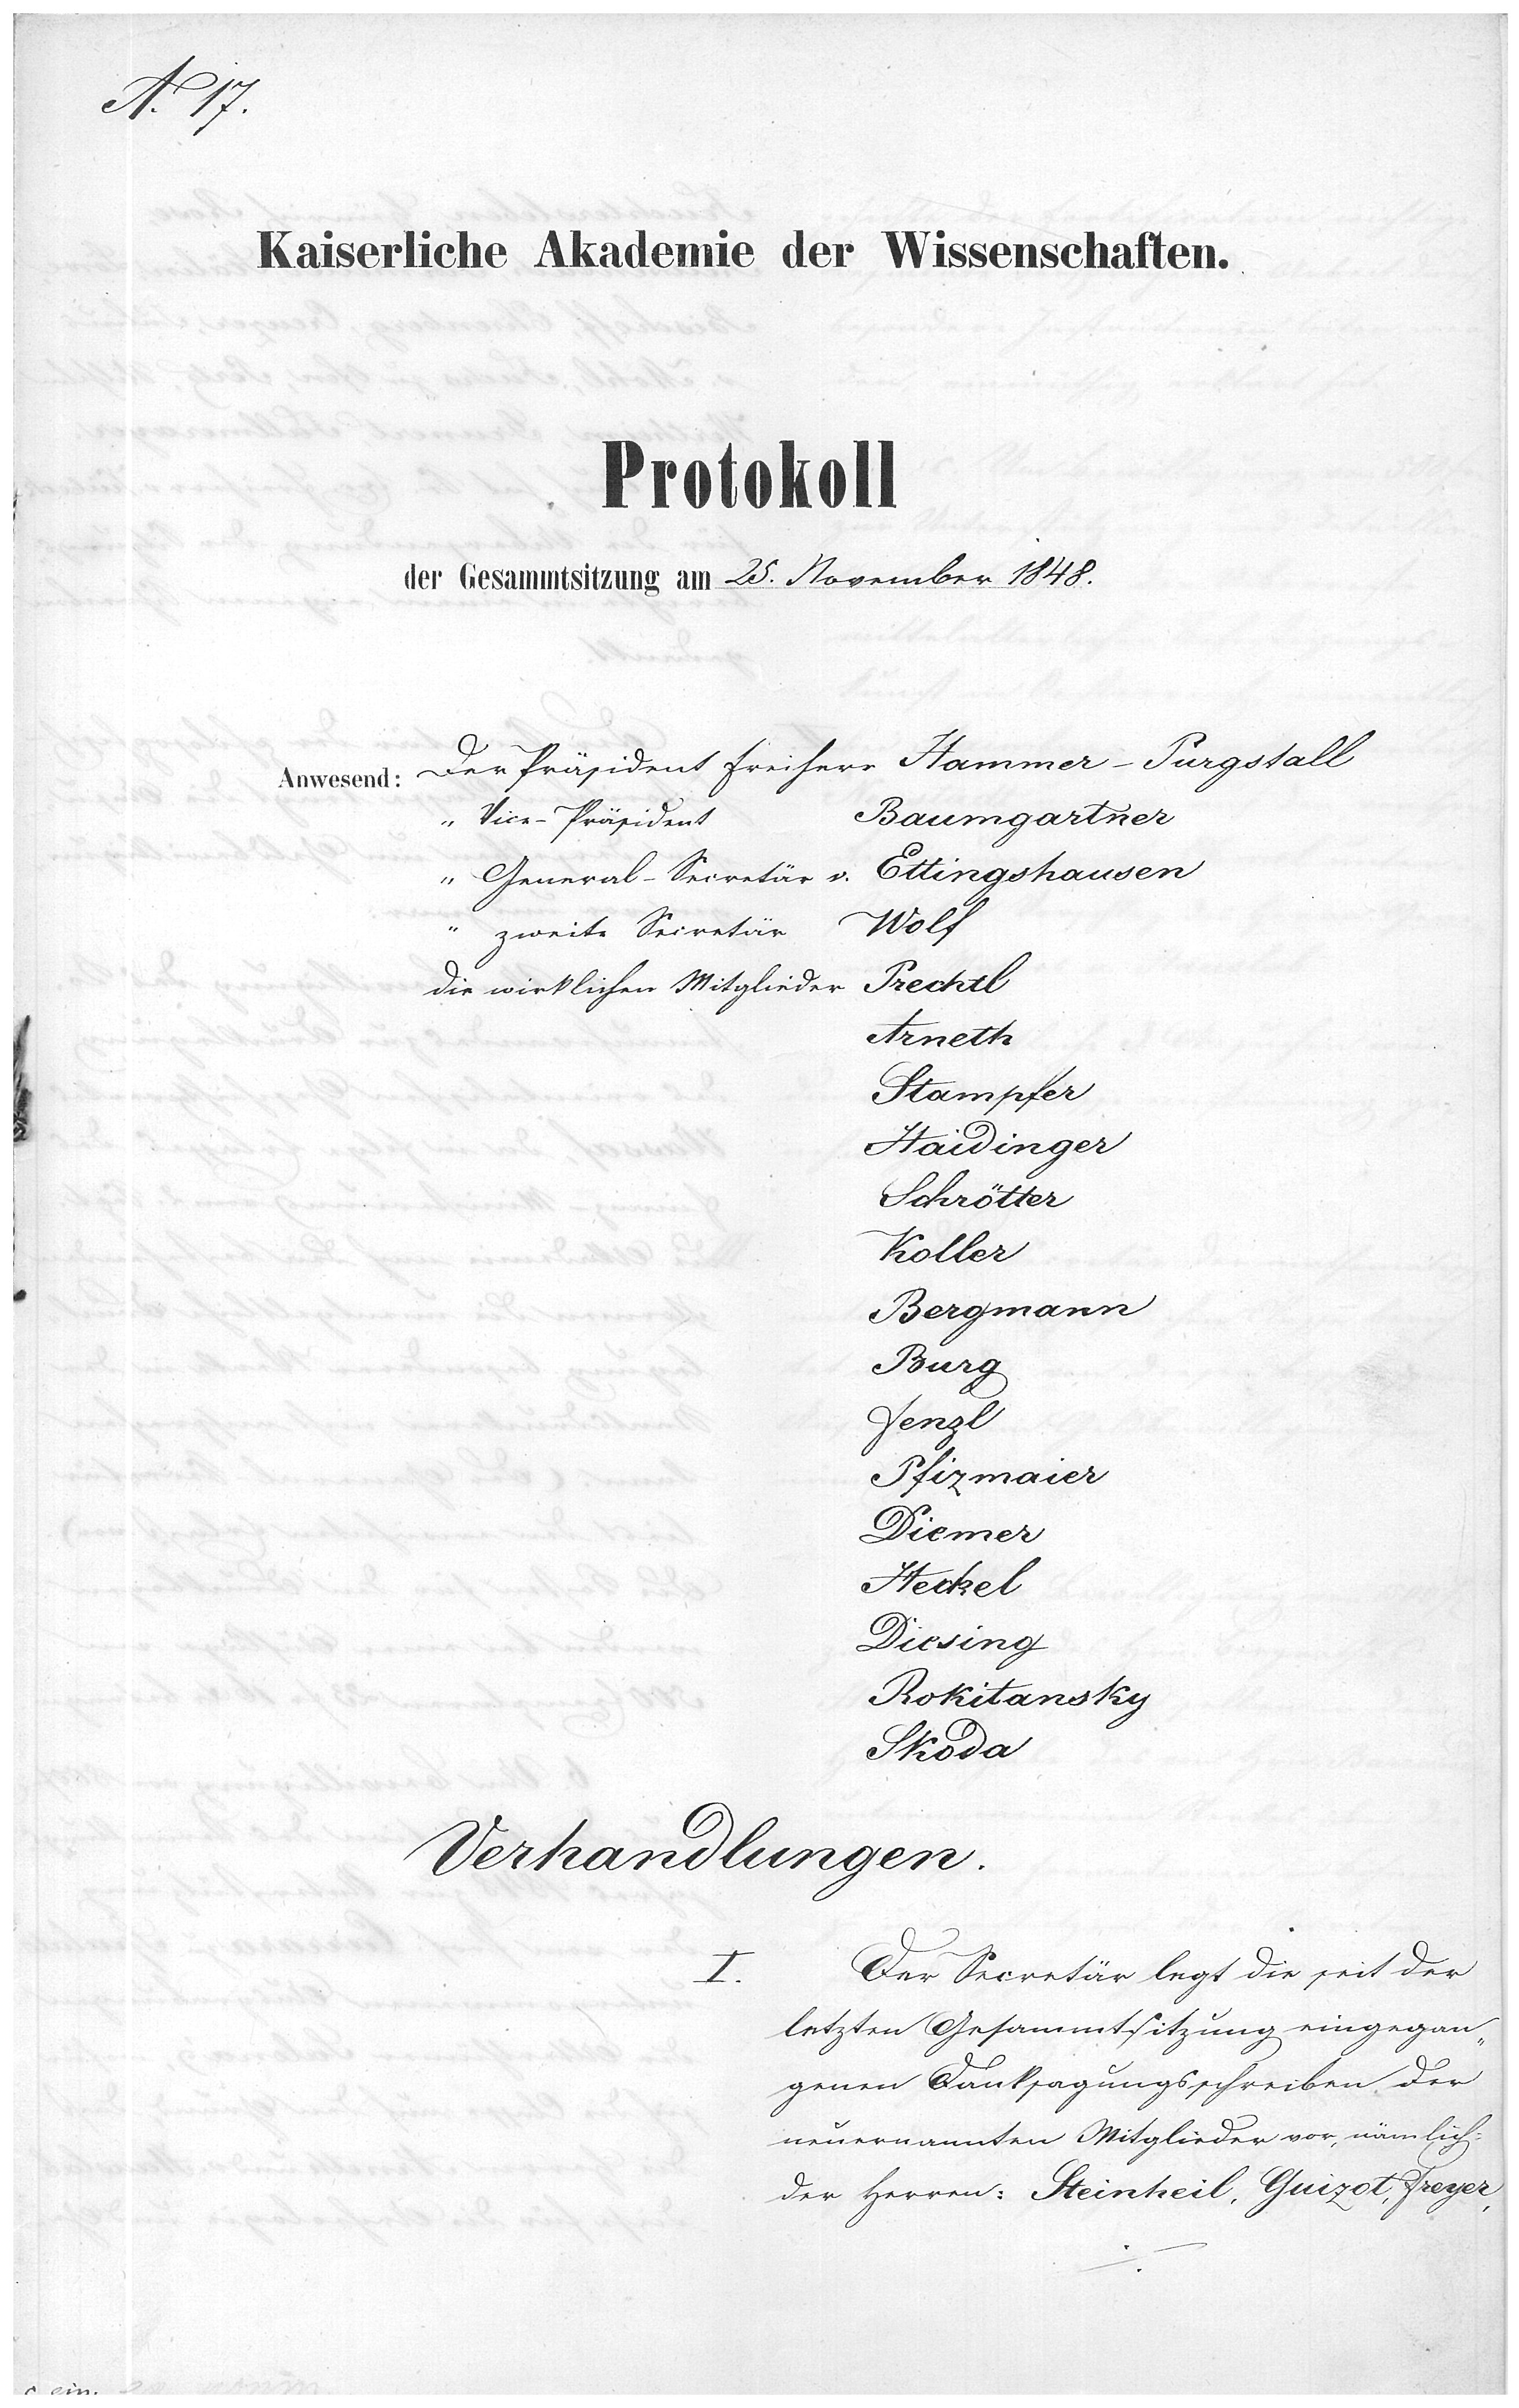A. 17.
Kaiserliche Akademie der Wissenschaften
Protokoll
der Gesammtsitzung am 25. November 1848
Der Präsident Freiherr Hammer-Purgstall
" Vice-Präsident Baumgartner
" General-Secretär v. Ettingshausen
" zweite Secretär Wolf
die wirklichen Mitglieder Prechtl
Anwesend:
Arneth
Stampfer
Haidinger
Schrötter
Koller
Bergmann
Burg
Fenzl
Pfizmaier
Diemer
Heckel
Diesing
Rokitansky
Skoda
Verhandlungen.
Der Secretär legt die seit der
letzten Gesammtsitzung eingegan-
genen Danksagungsschreiben der
neuernannten Mitglieder vor, nämlich
der Herren: Steinheil, Guizot, Freyer,
I.